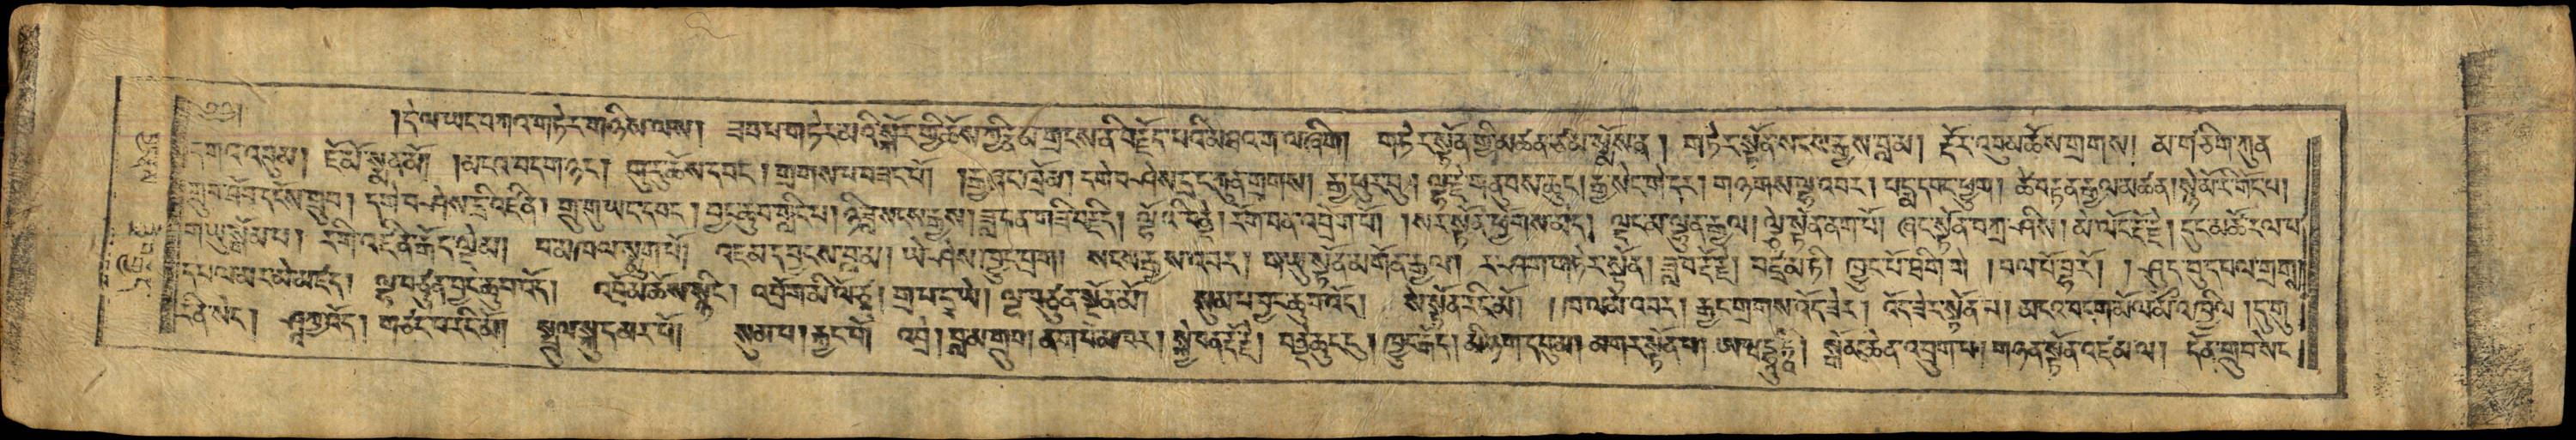༄༅། །དེ་ལ་ཡང་བཀའ་གཏེར་གཉིས་ལས། ཟབ་པ་གཏར་མའི་སྐོར་གྱི་ཆོས་ཀྱི་རྣམ་གྲངས་ནི་བརྗོད་པའི་མཐའ་ག་ལ་ཞིག། གཏེར་སྟོན་གྱི་མཚན་ཙམ་སྨོས་ན། གཏེར་སྟོན་སངས་རྒྱས་བླ་མ། རྡོར་འབུམ་ཆོས་གྲགས། མ་གཅིག་ཀུན་
དགའ་འབུམ། ཇོ་མོ་སྨན་མོ། །མངའ་བདག་ཉང་། གུ་རུ་ཆོས་དབང་། གྲགས་པ་བཟང་པོ། །རྒྱ་ཞང་ཁྲོམ། དགེ་བཤེས་དྲང་ཀུན་གྲགས། རྒྱ་ཕུར་བུ། ལྷ་རྗེ་གནུབས་ཆུང་། རྒྱ་སེང་གེ་དར། གཉགས་ལྷ་འབར། པདམ་དབང་ཕྱུག། ཚེ་བརྟན་རྒྱལ་མཚན། སྙེ་མོ་རི་གོང་པ།
གྲུབ་ཐོབ་དངོས་གྲུབ། དགེ་བཤེས་དྲི་འཛིན། གྲུ་གུ་ཡང་དབང་། བྱང་ཆུབ་གླིང་པ། ཉི་ཟླ་སངས་རྒྱས། ཟླ་བ་ན་གཟི་བརྗིད། ལྷོའི་བནྡེ། རོག་བན་འབྲོག་པོ། །སར་སྟོན་ཕྱོགས་མེད། ལྡང་མ་ལྷུན་རྒྱལ། ལྕེ་སྟན་ནག་པོ། ཞང་སྟོན་བཀྲ་ཤིས། མེ་ལོང་རྡོ་རྗེ། དུང་མཚོ་རལ་པ་
གཡུ་སྒོམ་པ། རིག་འཛིན་རྒོད་ལྡེམ། བ་མཁལ་སྨུག་པོ། འཇམ་དབྱངས་བླ་མ། ཡེ་ཤེས་ཁྱུད་བྲག། སངས་རྒྱས་འབར། གཡུ་སྟོན་མགོན་རྒྱལ། ར་ཤག་གཏེར་སྟོན། ཟླ་བ་རྡོ་རྗེ། བཛྲ་མ་ཏི། ཁྱུང་པོ་ཐིག་གེ །བལ་པོ་བྷ་རོ། །ཤུད་བུ་དབལ་གྲགས་
དཔལ་མར་མེ་མཛད། ལྷ་བཙུན་བྱང་ཆུབ་འོད། འབྲོམ་ཆོས་སྙིང་། འབྲོག་མི་ལོ་ཙཱ། གྲ་པ་དྭ་ཡེ། ལྔ་བཙུན་སྔོན་མོ། སུམ་པ་བྱང་ཆུབ་འོད། སེ་སྟོན་རིང་མོ། ཁ་ལ་མེ་འབར། རྒྱང་གྲགས་འོད་ཟེར། འོད་ཟེར་སྟོན་པ། མངའ་བདག་མོལ་མྀ་འཁྱིལ་།དུ་གུ་
རིན་སེང་། ཤཱཀྱ་འད། གཙང་པ་རིང་མོ། སྤྲུལ་སྐུ་དམར་པོ། སུམ་པ། རྒྱང་པོ། འབྲེ། བླ་མ་གྲུབ། ནག་པོ་མཁར། སྐྱེ་བ་ན་རྡོ་རྗེ། བནྡེ་ཆུང་དུ། ཁྱུང་རྒོད། མི་ཉག་དབུ་མ། མགར་སྟོན་པ། ཨ་ཝ་དྷཱུ་ཏཱི། སྒོམ་ཆེན་འབྲུག་པ། གཉན་སྟོན་འཛམ་ལ། དོན་གྲུབ་སེང་